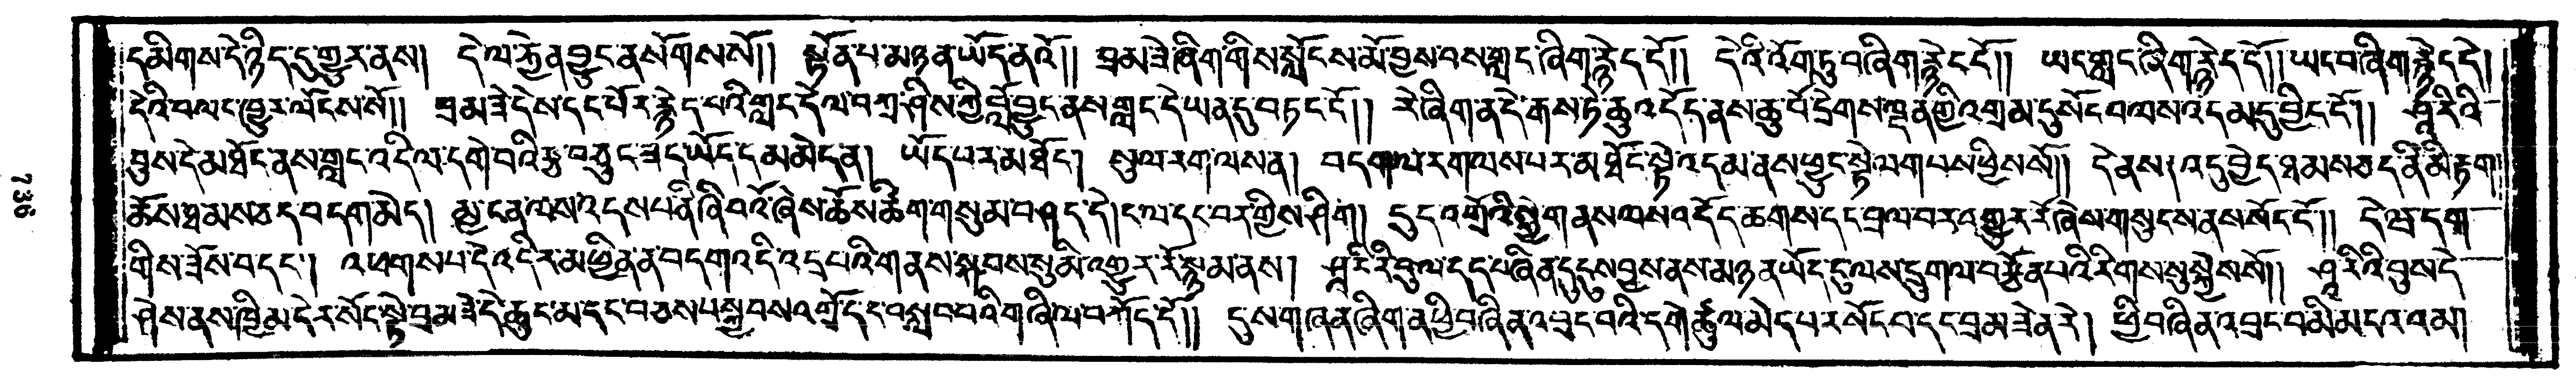དམིགས་དེ་ཉིད་དུ་གྱུར་ནས། དེ་ལ་རྐྱེན་བྱུང་ན་སོགས་སོ། །སྟོན་པ་མཉན་ཡོད་ནའོ། །བྲམ་ཟེ་ཞིག་གིས་སློང་ས་མོ་བྱས་བས་གླང་ཞིག་རྙེད་དོ། །དེའི་འོག་ཏུ་བཞིག་རྙེད་ངོ། །ཡང་གླང་ཞིག་རྙེད་དོ། །ཡང་བཞིག་རྙེད་དེ།
དེའི་བ་ལང་། བྱུར་ལོངས་སོ། །བྲམ་ཟེ་དེས་དང་པོར་རྙེད་པའི་གླང་དེ་ལ་བཀྲ་ཤིས་ཀྱི་བློ་བྱུང་ནས་གླང་དེ་ཡན་དུ་བཏང་ངོ། །རེ་ཞིག་ན་དེ་རྒས་ཏེ་ཆུ་འདོད་ནས་ཆུ་བོ་དྲེགས་ལྡན་གྱི་འགྲམ་དུ་སོང་བ་ལས་འདམ་དུ་བྱིང་ངོ། ཤཱ་རིའི་
བུས་དེ་མཐོང་ནས་གླང་འདི་ལ་དགེ་བའི་རྩ་བཅུང་ཟང་ཡོད་དམ་མེད་ན། ཡོད་པར་མཐོང་། སུལ་རག་ལས་ན། བདག་ལ་རག་ལས་པར་མཐོང་སྟེ་འདམ་ནས་ཕྱུང་སྟེ་ལག་པས་ཕྱིས་སོ། །དེ་ནས༑ འདུ་བྱེད་ཐམས་ཅད་ནི་མི་རྟག།
ཆོས་ཐམས་ཅད་བདག་མེད། མྱ་ངན་ལས་འདས་པ་ནི་ཞི་བའོ་ཞེས་ཆོས་ཚིག་གསུམ་བཤད་དེ། ང་ལ་དང་བར་གྱིས་ཤིག། དུད་འགྲོའི་སྐྱེ་གནས་ལས་འདོད་ཆགས་དང་བྲལ་བར་འགྱུར་རོ་ཞེས་གསུངས་ནས་སོང་ངོ།། དེ་ཝ་དག་
གིས་ཟོས་བ་དང་། འཕགས་པ་དེ་འདིར་མ་ཕྱིན་ན་བདག་འདི་འདྲ་པའི་གནས་སྐབས་སུ་མི་འགྱུར་རོ་སྙམ་ནས། ཤཱ་རི་རི་བུ་ལ་དད་བཞིན་དུ་དུས་བྱས་ནས་མཉན་ཡོད་དུ་ལས་དྲུག་ལ་བརྩོན་པའི་རིགས་སུ་སྐྱེས་སོ། །ཤཱ་རིའི་བུས་དེ་
ཤེས་ནས་ཁྱིམ་དེར་སོང་སྟེ་བྲམ་ཟེ་དེ་ཆུང་མ་དང་བཅས་པ་སྐྱབས་འགྲོ་དང་བསླབ་པའི་གཞི་ལ་བཀོད་དོ། །དུས་གཞན་ཞིག་ན་ཕྱི་བཞིན་འབྲང་བའི་དགེ་ཚུལ་མེད་པར་སོང་བ་དང་བྲམ་ཟེན་རེ། ཕྱི་བཞིན་འབྲང་བ་མི་མངའ་འམ།